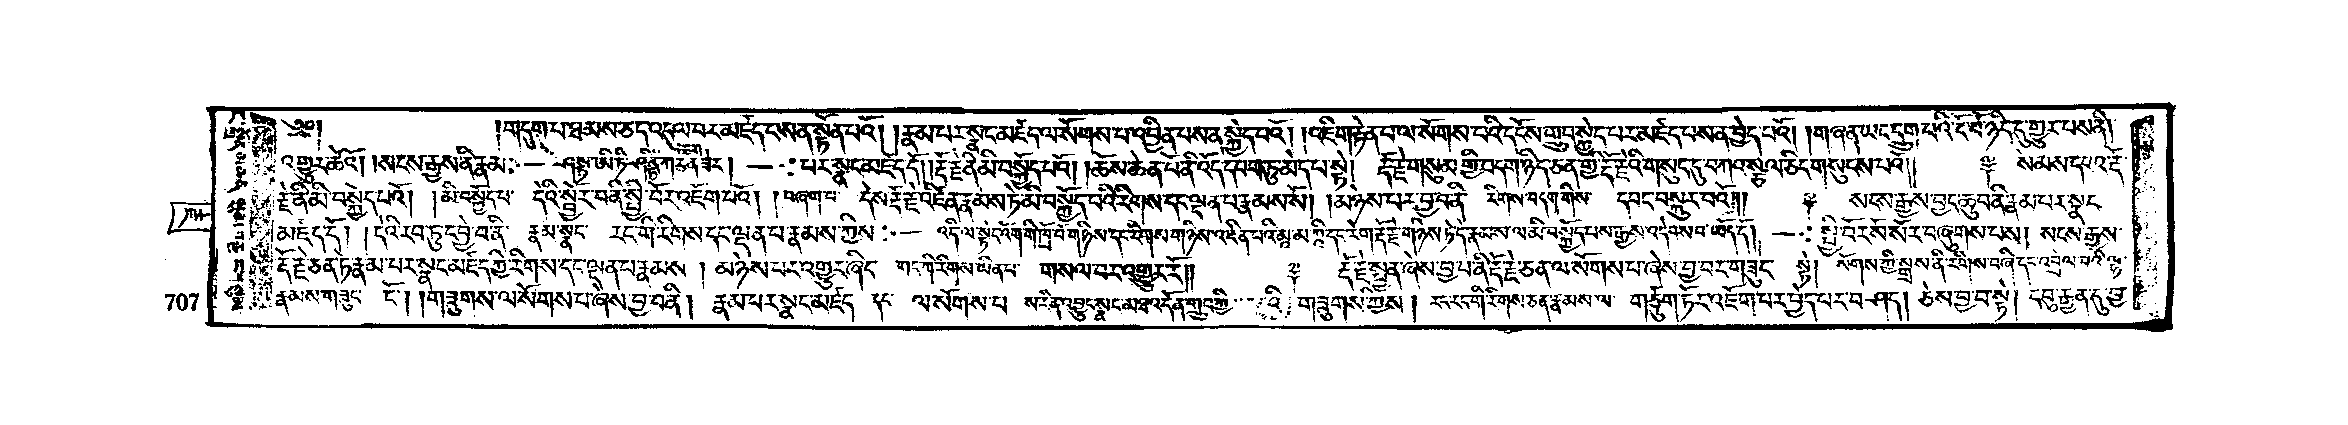༄༅། །གདུག་པ་ཐམས་ཅད་འདུལ་བར་མཛད་པས་ན་སྟོན་པའོ། །རྣམ་པར་སྣང་མཛད་ལ་སོགས་པ་འབྱིན་པས་ན་སྐྱེད་པའོ། །འཇིག་རྟེན་པ་ལ་སོགས་པའི་དངོས་གྲུབ་སྐྱེད་པར་མཛད་པས་ན་བྱེད་པའོ། །གཞན་ཡང་དྲུག་པའི་ངོ་བོ་ཉིད་དུ་གྱུར་པས་མི་
འགྱུར་ཆེའོ། །སངས་རྒྱས་ནི་རྣམ་H.་ཤ་སྟ་ཨི་ཏི་ཤིནྟིཾ་ཀ་ར་ན་ཆག་ཟེར། .Hཔར་སྣང་མཛད་དོ། །རྡོ་རྗེ་ནི་མི་བསྐྱོད་པའོ། །ཆོས་ཆེན་པོ་ནི་འོད་དཔག་ཏུ་མེད་པ་སྟེ། རྡོ་རྗེ་གསུམ་གྱི་བདག་ཉིད་ཅན་གྱི་རྡོ་རྗེའི་གསུང་དུ་བཀའ་སྩལ་ཅིང་གསུངས་པའོ། ། ༈ སེམས་དཔའ་རྡོ་
རྗེ་ནི་མི་བསྐྱོད་པའོ། ། མི་བསྐྱོད་པ་དེའི་སྦྱོར་པ་ནི་སྤྱི་བོར་འཇོག་པའོ། །བཞག་པ་དེས་རྡོ་རྗེ་འཛིན་རྣམས་ཏེ་མི་བསྐྱོད་པའི་རིགས་དང་ལྡན་པ་རྣམས་སོ། །མཉེས་པར་བྱ་བ་ནི་རིགས་བདག་གིས་དབང་བསྐུར་བའོ། ། ༈ སངས་རྒྱས་བྱང་ཆུབ་ནི་རྣམ་པར་སྣང་
མཛད་དོ། །དེའི་རབ་ཏུ་དབྱེ་བ་ནི་རྣམ་སྣང་རང་གི་རིགས་དང་ལྡན་པ་རྣམས་ཀྱིས་H.་འདི་ལ་སྟེང་འོག་གི་ཁྲོ་བོ་གཉིས་དང་རིགས་གཉིས་འཛིན་པའི་མཱ་མ་ཀཱི་དང་རེག་རྡོ་རྗེ་གཉིས་ཏེ་དེ་རྣམས་ལ་མི་བསྐྱོད་པས་ཏྱས་འདེབས་པོ་ཡོད་དོ།། སྤྱི་བོར་སོ་སོར་བཞུགས་པས། སངས་རྒྱས་
རྡོ་རྗེ་ཅན་ཏེ་རྣམ་པར་སྣང་མཛད་ཀྱི་རིགས་དང་ལྡན་པ་རྣམས། མཉེས་པར་འགྱུར་ཞིང་གང་གི་རིགས་ཡིན་པ་གསལ་བར་འགྱུར་རོ།། ༈ རྡོ་རྗེ་སྤྱན་ཞེས་བྱ་བ་ནི་རྡོ་རྗེ་ཅན་ལ་སོགས་པ་ཞེས་བྱ་བར་གཟུང་སྟེ། སོགས་ཀྱི་སྒྲས་ནི་རིགས་བཞི་དང་འབྲེལ་བའི་ལྷ་
རྣམས་གཟུང་ངོ། །གཟུགས་ལ་སོགས་པ་ཞེས་བྱ་བ་ནི། རྣམ་པར་སྣང་མཛད་དང་ལ་སོགས་པས་རིན་འབྱུང་སྣང་མཐའ་དོན་གྲུབ་ཀྱི་འི་གཟུགས་ཀྱིས། རང་རང་གི་རིགས་ཅན་རྣམས་ལ་གཙུག་ཏོར་འཇོག་པར་བྱེད་པར་བཤད། ཅེས་བྱ་བ་སྟེ། དབུ་རྒྱན་དུ་བྱ་